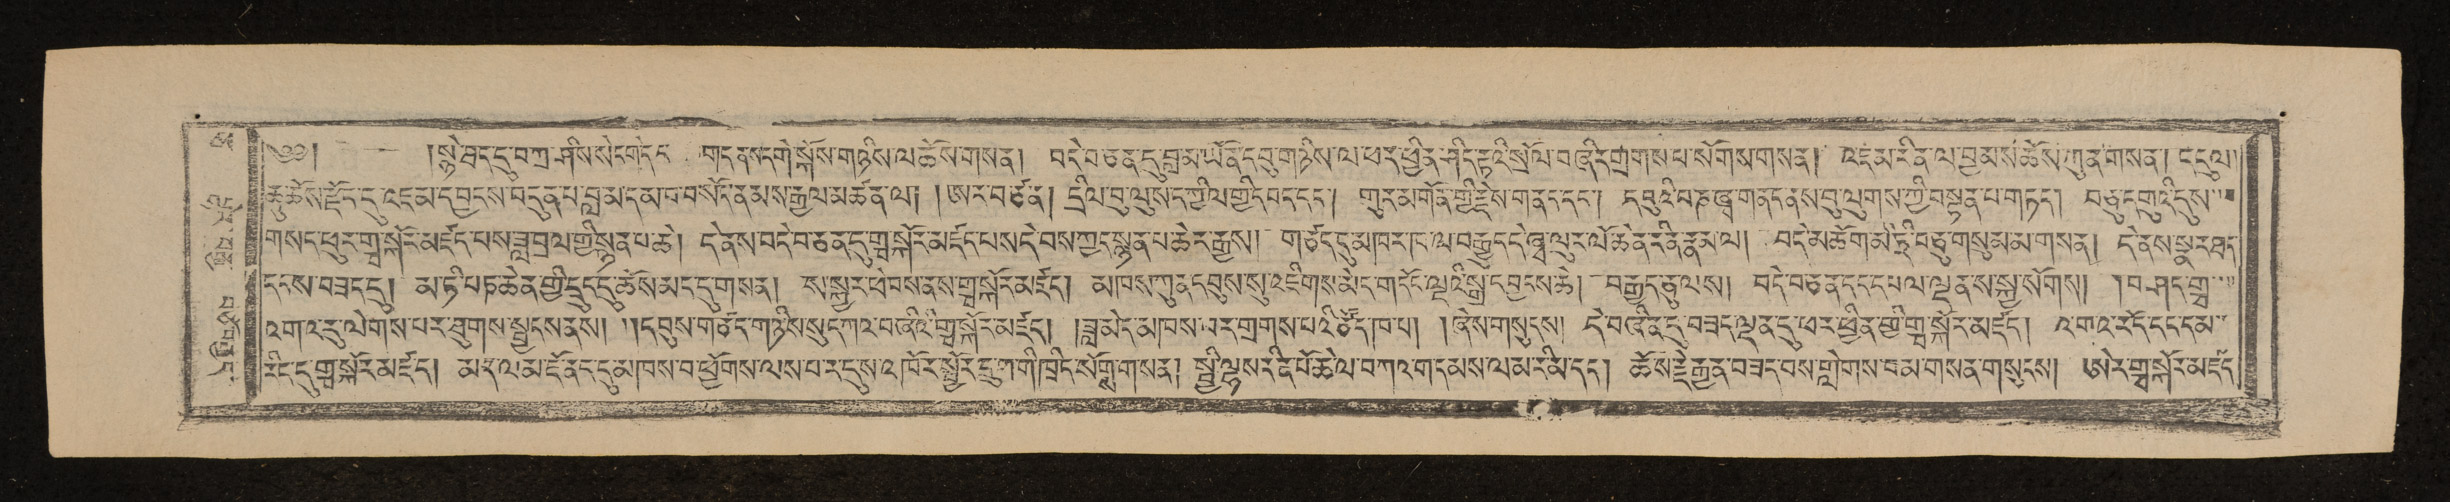༄༅། །སྙེ་ཐང་དུ་བཀྲ་ཤིས་སེང་གེ་དང་གདན་ས་དགེ་སྐོས་གཉིས་ལ་ཆོས་གསན། བདེ་བ་ཅན་དུ་བླ་མ་ཡོན་དབུ་གཉིས་ལ་ཕར་ཕྱིན་ཤིང་རྟའི་སྲོལ་བཞིར་གྲགས་པ་སོགས་གསན། འཇམ་རིན་ལ་བྱམས་ཆོས་ཀུན་གསན། དངུལ་
ཆུ་ཆོས་རྫོང་དུ་འཇམ་དབྱངས་བདུན་པ་བླ་མ་དམ་པ་བསོད་ནམས་རྒྱལ་མཚན་ལ། ཨ་ར་པ་ཙ་ན། དྲིལ་བུ་ལུས་དཀྱིལ་གྱི་དབང་དང་། གུར་མགོན་གྱི་རྗེས་གནང་དང་། དབུའི་པཎ་ཞྭ་གནང་ནས་བུ་ལུགས་ཀྱི་བསྟན་པ་གཏད། བཅུ་དགུའི་དུས་
གསང་ཕུར་གྲྭ་སྐོར་མཛད་པས་ཟླ་བྲལ་གྱི་སྙན་པ་ཆེ། དེ་ནས་བདེ་བ་ཅན་དུ་གྲྭ་སྐོར་མཛད་པས་དེ་བས་ཀྱང་སྙན་པ་ཆེར་རྒྱས། གཙང་དུ་མཁར་ཁ་ལ་བརྒྱུད་དེ་ཞྭ་ལུར་ལོ་ཆེན་རིན་རྣམ་ལ། བདེ་མཆོག་མཻ་ཏྲི་བཅུ་གསུམ་མ་གསན། དེ་ནས་སྣར་ཐང་
དང་ས་བཟང་དུ། མ་ཏི་པཎ་ཆེན་གྱི་དྲུང་དུ་ཆོས་མང་དུ་གསན། ས་སྐྱར་ཕེབས་ནས་གྲྭ་སྐོར་མཛད། མཁས་ཀུན་དབུས་སུ་འཇིགས་མེད་གདོང་ལྔའི་སྒྲ་དབྱངས་ཆེ། བརྒྱད་ཅུ་ལས། བདེ་བ་ཅན་དང་དཔལ་ལྡན་ས་སྐྱ་སོགས། །བཤད་གྲྭ་
འགའ་རུ་ལེགས་པར་ཐུགས་སྦྱངས་ནས། །དབུས་གཙང་གཉིས་སུ་དཀའ་བཞིའི་གྲྭ་སྐོར་མཛད། །ཟླ་མེད་མཁས་པར་གྲགས་པའི་ཙོང་ཁ་པ། །ཞེས་གསུངས། དེ་བཞིན་དུ་བཟང་ལྡན་དུ་ཕར་ཕྱིན་གྱི་གྲྭ་སྐོར་མཛད། འགའ་རོང་དང་དམ་
རིང་དུ་གྲྭ་སྐོར་མཛད། མར་ལམ་ཇོ་ནང་དུ་མཁས་པ་ཕྱོགས་ལས་བར་དུས་འཁོར་སྦྱོར་དྲུག་གི་ཁྲིད་སོགས་གསན། སྤྱི་ལྷས་རིན་པོ་ཆེ་ལ་བཀའ་གདམས་ལམ་རིམ་དང་། ཆོས་རྗེ་རྒྱན་བཟང་བས་གླེགས་བམ་གསན་གསུངས། ཨེར་གྲྭ་སྐོར་མཛད།